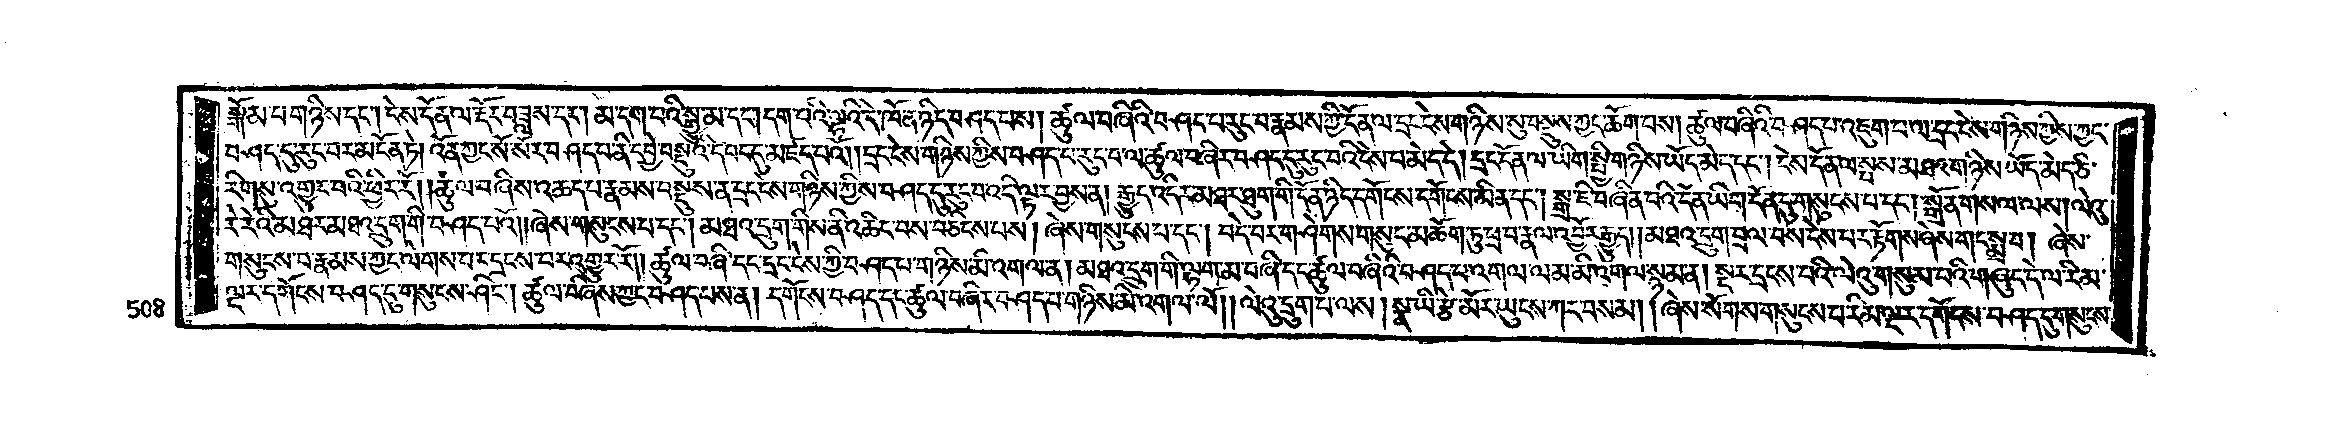སྒོམ་པ་གཉིས་དང་། ངེས་དོན་ལ་རྡོར་བཟླས་དང་། མ་དག་པའི་སྒྱུ་མ་དང་། དག་པའི་ལྷའི་དེ་ཁོ་ན་ཉིད་བཤད་པས། ཚུལ་བཞིའི་བཤད་པ་རུང་བ་རྣམས་ཀྱི་དོན་ལ་དྲང་ངེས་གཉིས་སུ་བསྡུས་ཀྱང་ཆོག་པས། ཚུལ་བཞིའི་བཤད་པ་འཇུག་པ་ལ་དྲང་ངེས་གཉིས་ཀྱིས་ཀྱང་
བཤད་དུ་རུང་བར་མངོན་ཏེ། འོན་ཀྱང་སོ་སོར་བཤད་པ་ནི་དབྱེ་བསྡུའི་དབང་དུ་མཛད་པའོ། །དྲང་ངེས་གཉིས་ཀྱིས་བཤད་པ་རུང་བ་ལ་ཚུལ་བཞིར་བཤད་དུ་རུང་བའི་ངེས་པ་མེད་དེ། དྲང་དོན་ལ་ཡིག་སྤྱི་གཉིས་ཡོད་མེད་དང་། ངེས་དོན་ལ་སྦས་མཐའ་གཉིས་ཡོད་མེད་ཅི་
རིགས་སུ་འགྱུར་བའི་ཕྱིར་རོ། །ཚུལ་བཞིས་འཆད་པ་རྣམས་བསྡུས་ན་དྲང་ངེས་གཉིས་ཀྱིས་བཤད་དུ་རུང་བ་འདི་ལྟར་བྱས་ན། རྒྱུད་འདིར་མཐར་ཐུག་གི་དོན་ཉིད་དགོངས་དགོངས་མིན་དང་། སྒྲ་ཇི་བཞིན་པའི་དོན་ཡིག་དོན་དུ་གསུངས་པ་དང་། སྒྲོན་གསལ་ལས། ལེའུ་
རེ་རེའི་མཐར་མཐའ་དྲུག་གི་བཤད་པའོ། །ཞེས་གསུངས་པ་དང་། མཐའ་དྲུག་གིས་ནི་འཆིང་བས་བཅིངས་པས། ཞེས་གསུངས་པ་དང་། བདེ་བར་གཤེགས་གསུང་མཆོག་ཏུ་ཕྲ་བ་རྣལ་འབྱོར་རྒྱུད། །མཐའ་དྲུག་བྲལ་བས་ངེས་པར་རྟོགས་ཞེས་གང་སྨྲ་བ། ཞེས་
གསུངས་པ་རྣམས་ཀྱང་ལེགས་པར་དྲངས་པར་འགྱུར་རོ། །ཚུལ་བཞི་དང་དྲང་ངེས་ཀྱི་བཤད་པ་གཉིས་མི་འགལ་ན། མཐའ་དྲུག་གི་ལྷག་མ་བཞི་དང་ཚུལ་བཞིའི་བཤད་པ་འགལ་ལམ་མི་འགལ་སྙམ་ན། སྔར་དྲངས་པའི་ལེའུ་གསུམ་པའི་གཞུང་དེ་ལ་རིམ་
ལྔར་དགོངས་བཤད་དུ་གསུངས་ཤིང་། ཚུལ་བཞིས་ཀྱང་བཤད་པས་ན། དགོངས་བཤད་དང་ཚུལ་བཞིར་བཤད་པ་གཉིས་མི་འགལ་ལོ། །ལེའུ་དྲུག་པ་ལས། སྣ་ཡི་རྩེ་མོར་ཡུངས་ཀར་བསམ། །ཞེས་སོགས་གསུངས་པ་རིམ་ལྔར་དགོངས་བཤད་དུ་གསུངས་